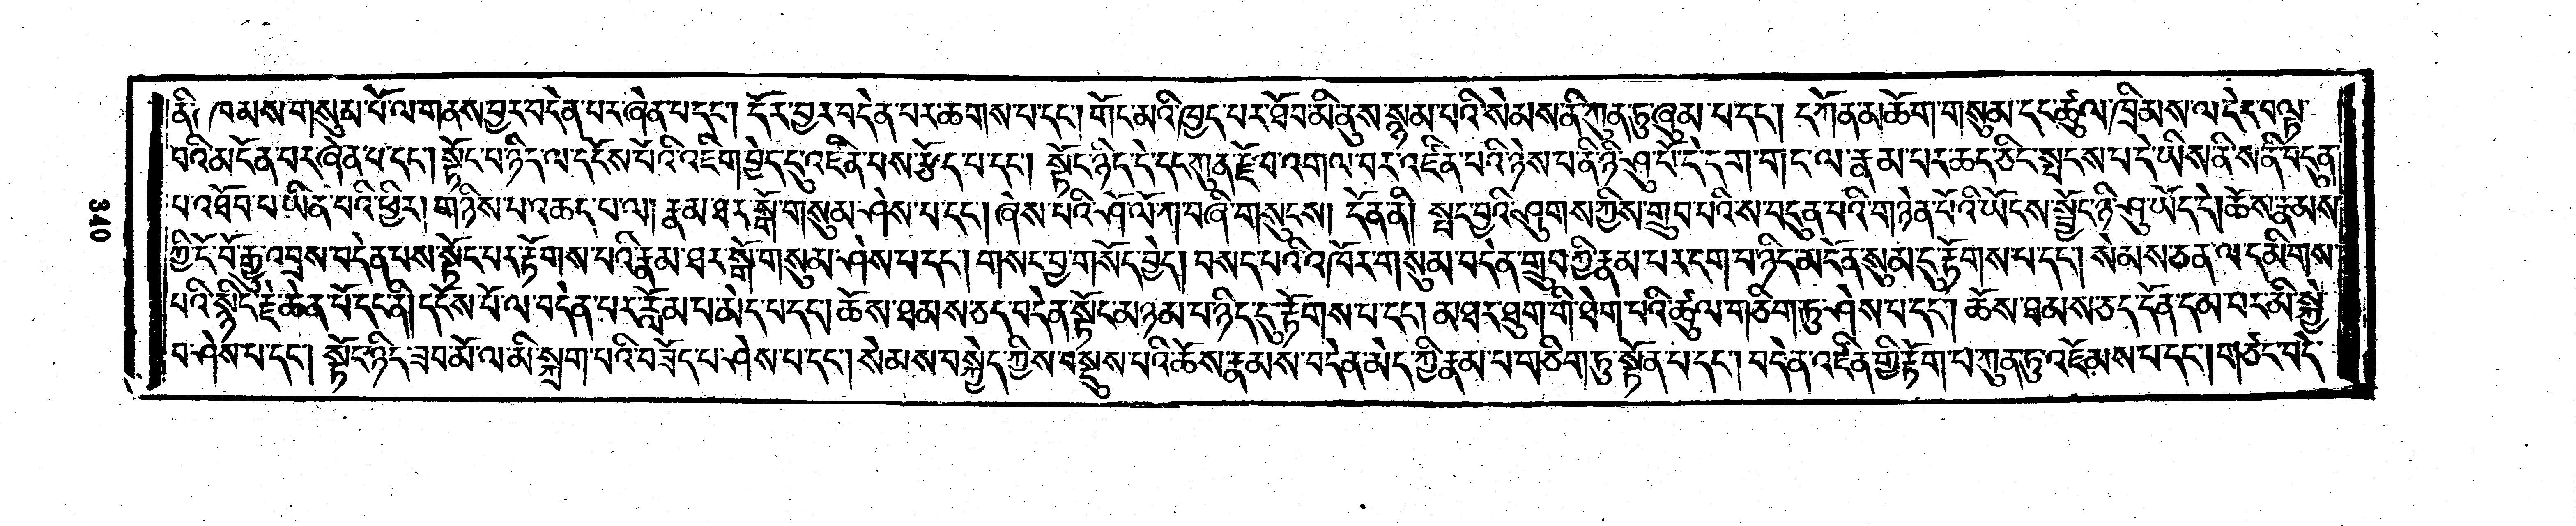ནི༑ ཁམས་གསུམ་པོ་ལ་གནས་བྱར་བདེན་པར་ཞེན་པ་དང་། དོར་བྱར་བདེན་པར་ཆགས་པ་དང་། གོང་མའི་ཁྱད་པར་ཐོབ་མི་ནུས་སྙམ་པའི་སེམས་ནི་ཀུན་ཏུ་ཞུམ་པ་དང་། དཀོན་མཆོག་གསུམ་དང་ཚུལ་ཁྲིམས་ལ་དེར་བལྟ་
པའི་མངོན་པར་ཞེན་པ་དང་། སྟོང་པ་ཉིད་ལ་དངོས་པོའི་འཇིག་བྱེད་དུ་འཛིན་པས་རྩོད་པ་དང་། སྟོང་ཉིད་དེ་དང་ཀུན་རྫོབ་འགལ་བར་འཛིན་པའི་ཉེས་པ་ནི་ཉི་ཤུ་པ་དེ་དག་གང་ལ་རྣམ་པར་ཆད་ཅིང་སྤངས་པ་དེ་ཡིས་ནི་ས་ནི་བདུན་
པ་འཐོབ་པ་ཡིན་པའི་ཕྱིར། གཉིས་པ་འཆད་པ་ལ། རྣམ་ཐར་སྒོ་གསུམ་ཤེས་པ་དང་། ཞེས་པའི་ཤོ་ལོ་ཀ་བཞི་གསུངས། དོན་ནི། སྤང་བྱའི་ཤུགས་ཀྱིས་གྲུབ་པའི་ས་བདུན་པའི་གཉེན་པོའི་ཡོངས་སྦྱོང་ཉི་ཤུ་ཡོད་དེ། ཆོས་རྣམས་
ཀྱི་ངོ་བོ་རྒྱུ་འབྲས་བདེན་པས་སྟོང་པར་རྟོགས་པའི་རྣམ་ཐར་སྒོ་གསུམ་ཤེས་པ་དང་། གསད་བྱ་གསོད་བྱེད། བསད་པའི་འཁོར་གསུམ་བདེན་གྲུབ་ཀྱི་རྣམ་པར་དག་པ་ཉིད་མངོན་སུམ་དུ་རྟོགས་པ་དང་། སེམས་ཅན་ལ་དམིགས་
པའི་སྙིང་རྗེ་ཆེན་པོ་དང་ནི། དངོས་པོ་ལ་བདེན་པར་རློམ་པ་མེད་པ་དང་། ཆོས་ཐམས་ཅད་བདེན་སྟོང་མཉམ་པ་ཉིད་དུ་རྟོགས་པ་དང་། མཐར་ཐུག་གི་ཐེག་པའི་ཚུལ་གཅིག་ཏུ་ཤེས་པ་དང་། ཆོས་ཐམས་ཅད་དོན་དམ་པར་མི་སྐྱེ་
བ་ཤེས་པ་དང་། སྟོང་ཉིད་ཟབ་མོ་ལ་མི་སྐྲག་པའི་བཟོད་པ་ཤེས་པ་དང་། སེམས་བསྐྱེད་ཀྱིས་བསྡུས་པའི་ཆོས་རྣམས་བདེན་མེད་ཀྱི་རྣམ་པ་གཅིག་ཏུ་སྟོན་པ་དང་། བདེན་འཛིན་གྱི་རྟོག་པ་ཀུན་ཏུ་འཇོམས་པ་དང་། གཙང་བདེ་